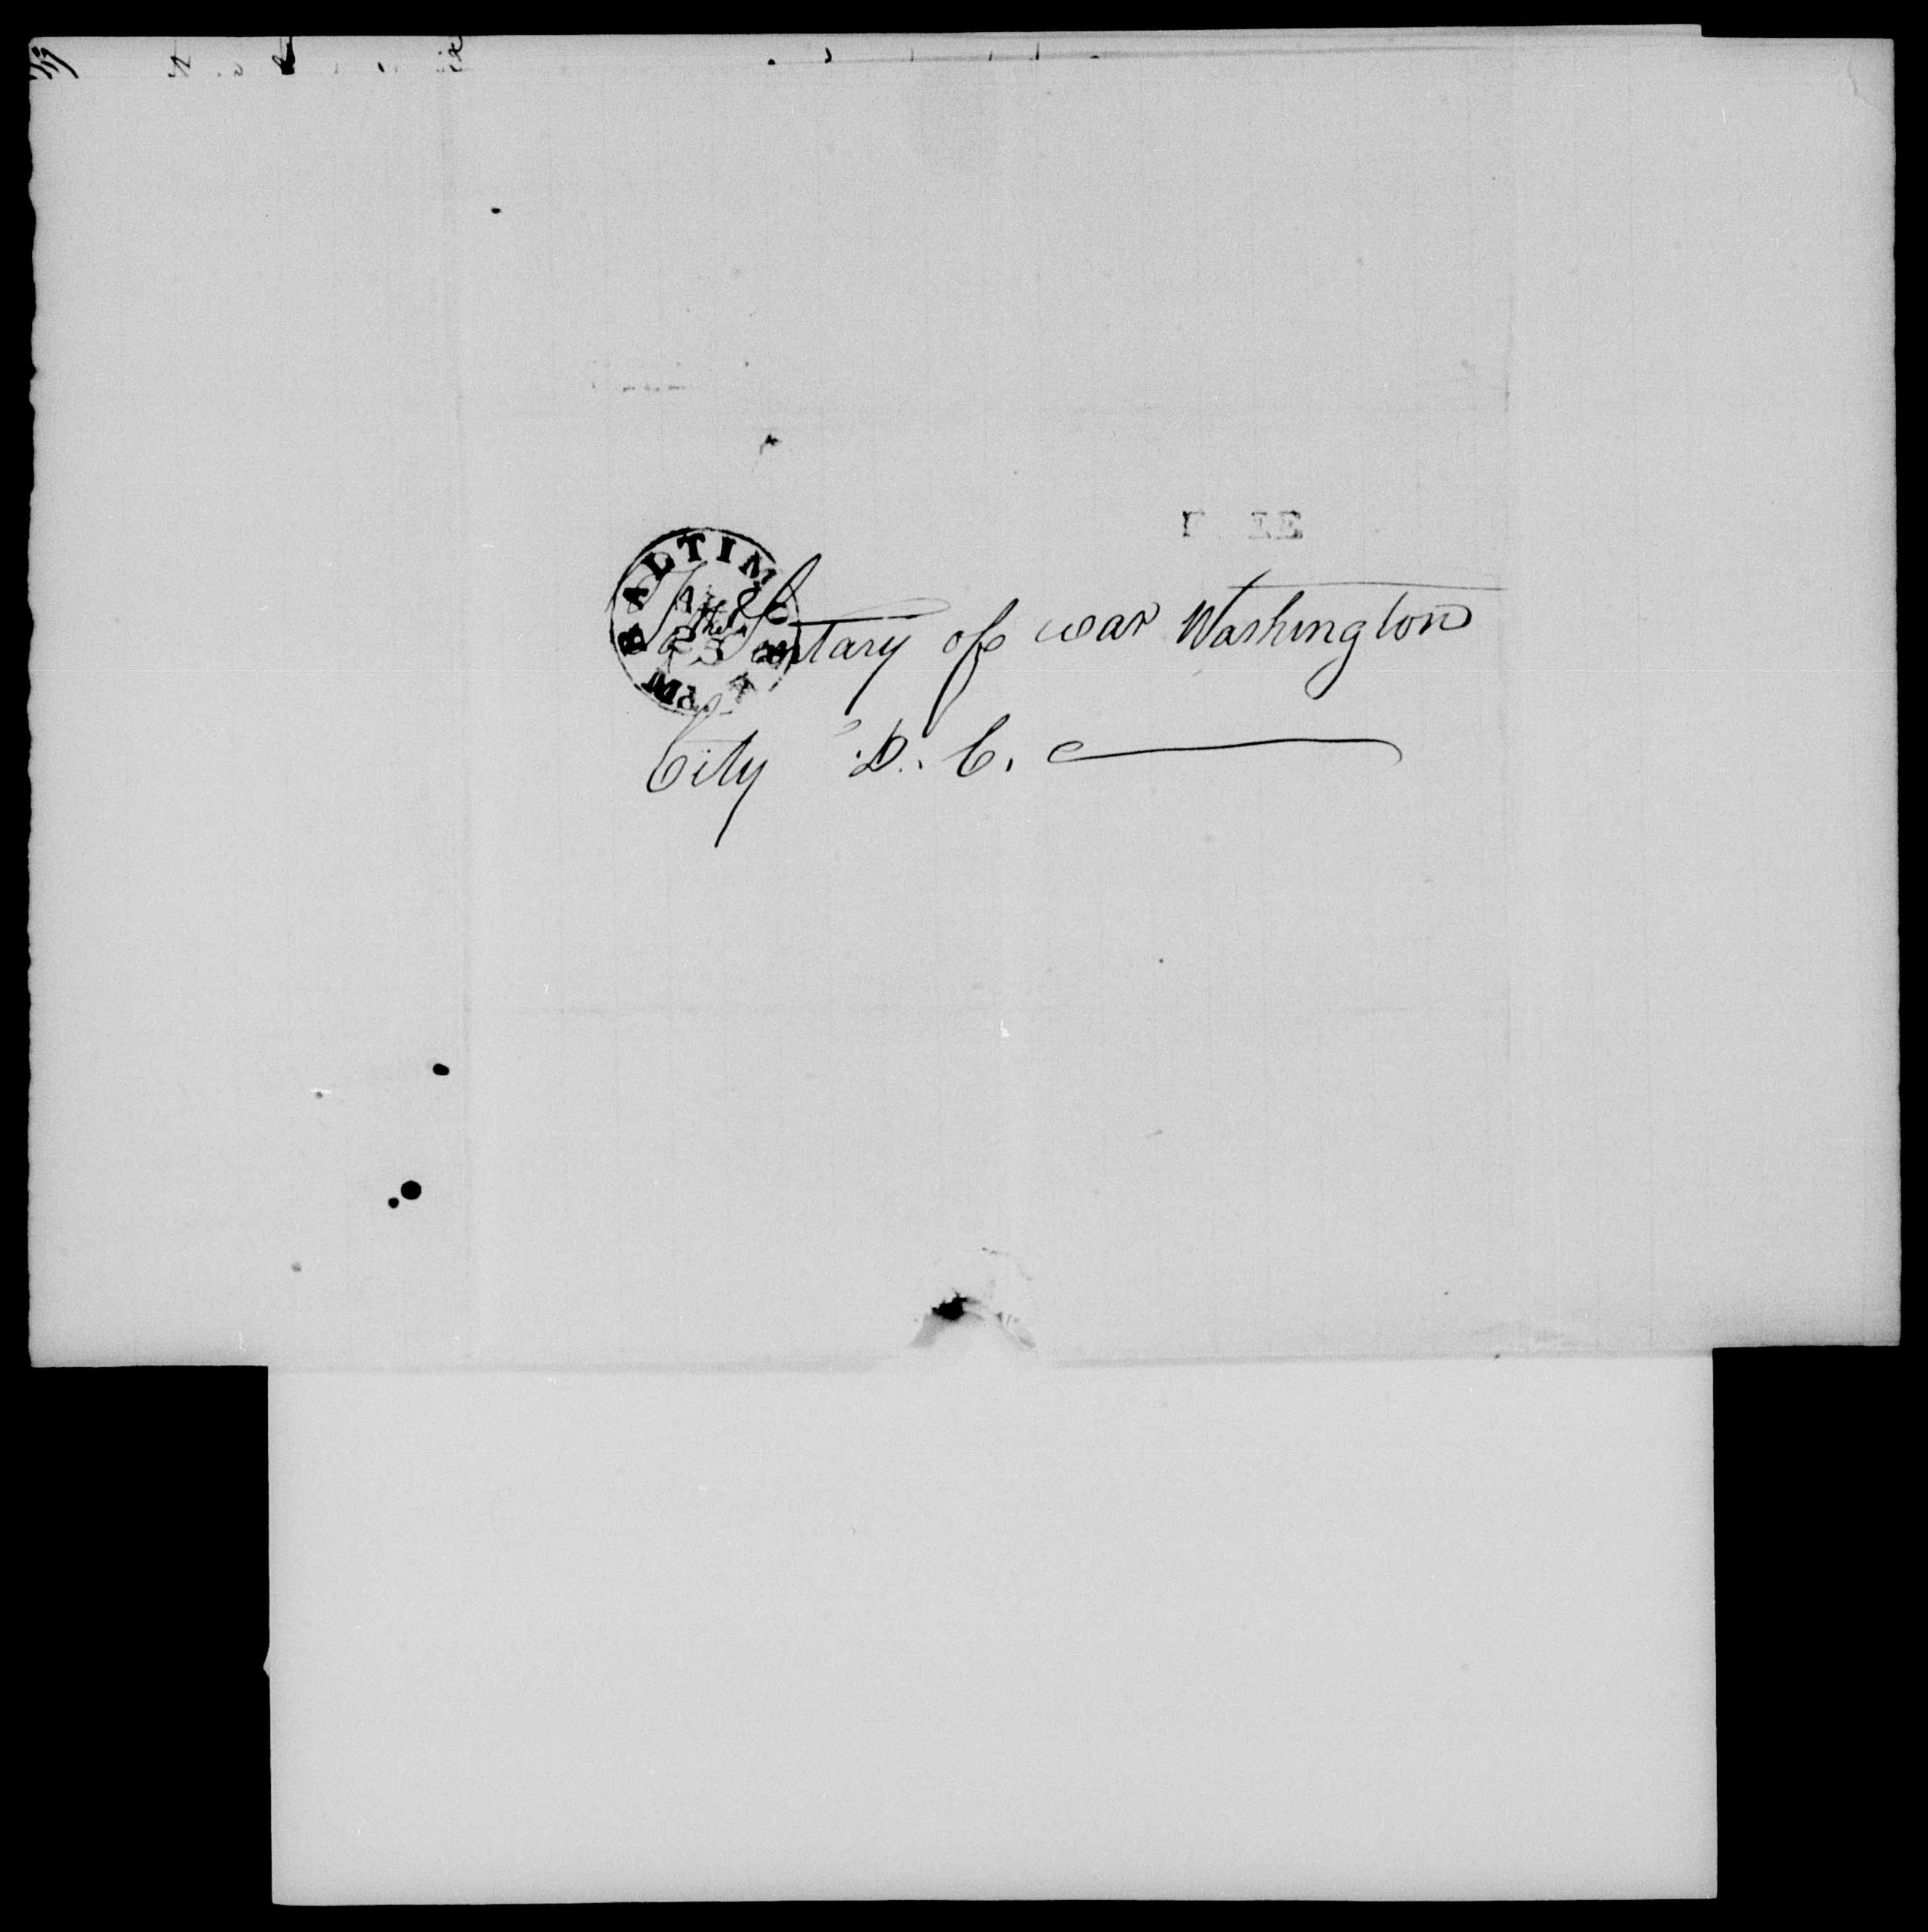[stamp, reading "Baltimore Md. AUG 23"] Secretary of war Washington City D. C.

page: 10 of 30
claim: rejected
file: R. 16,555, for Thomas Morris, Georgia